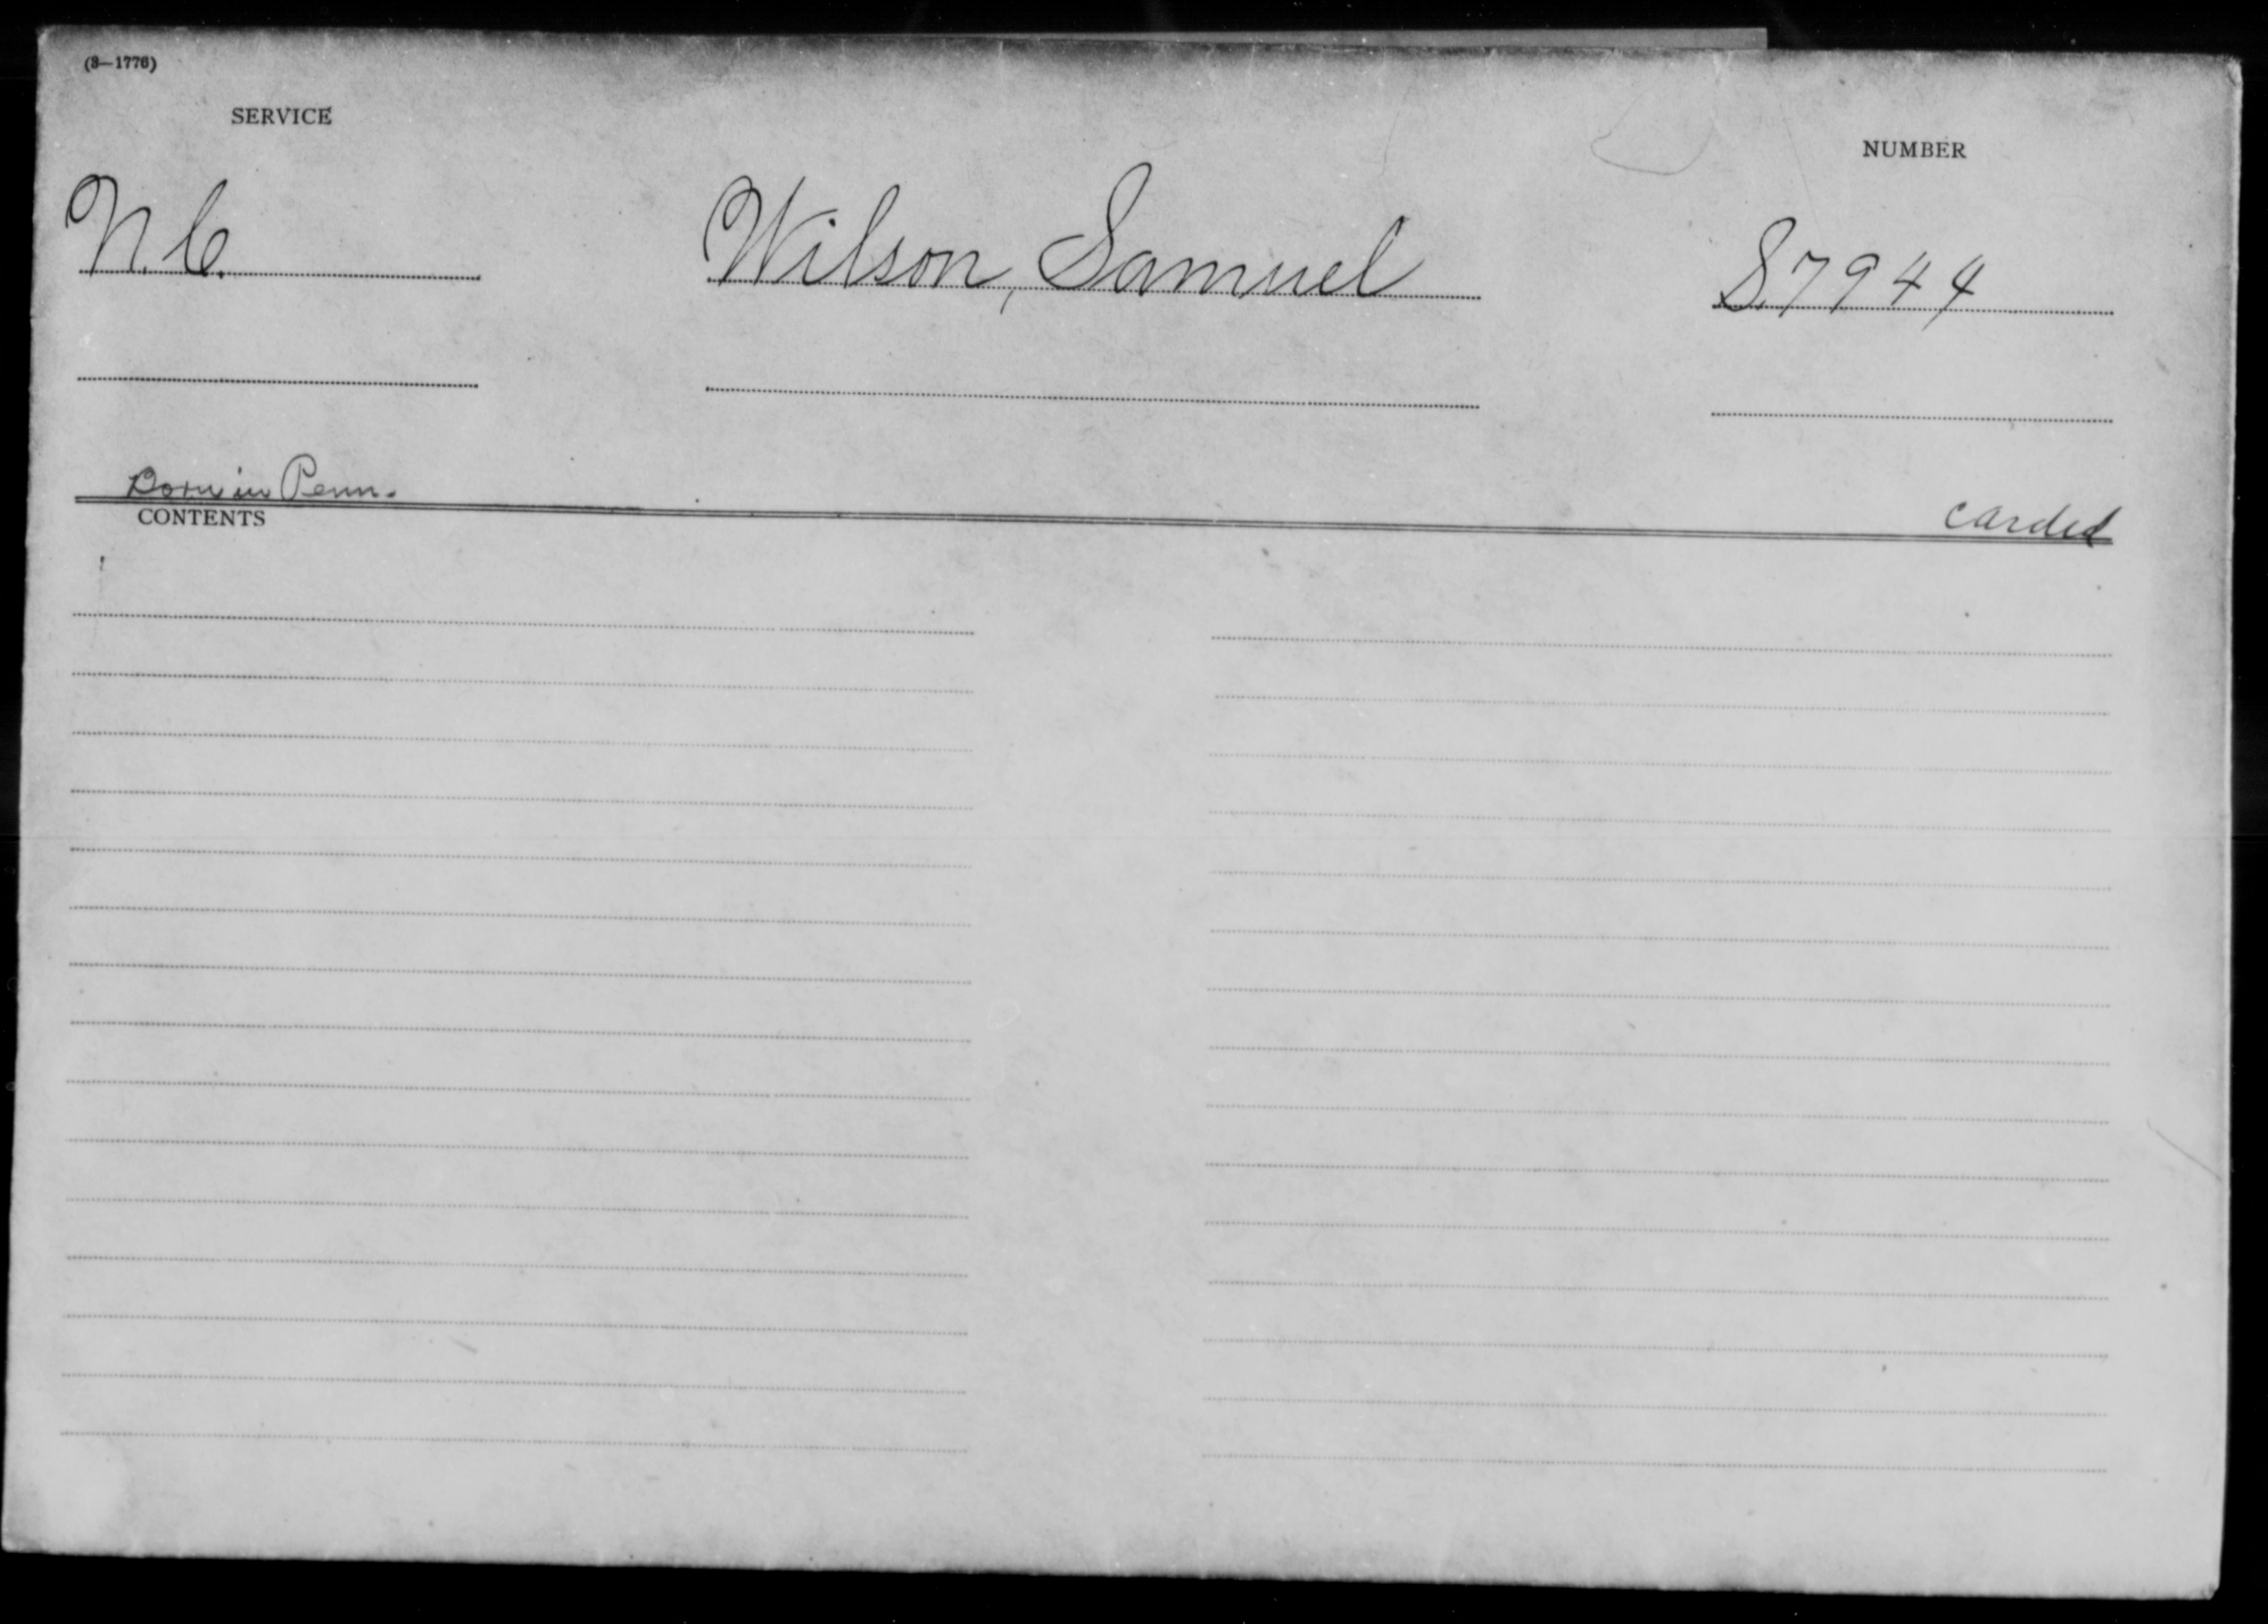(3-1776)

SERVICE
N.C.

Wilson, Samuel

NUMBER
S.7944


carded
Born in Penn.
CONTENTS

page: 1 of 13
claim: survivor's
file: S. 7944, Samuel Wilson, N.C.